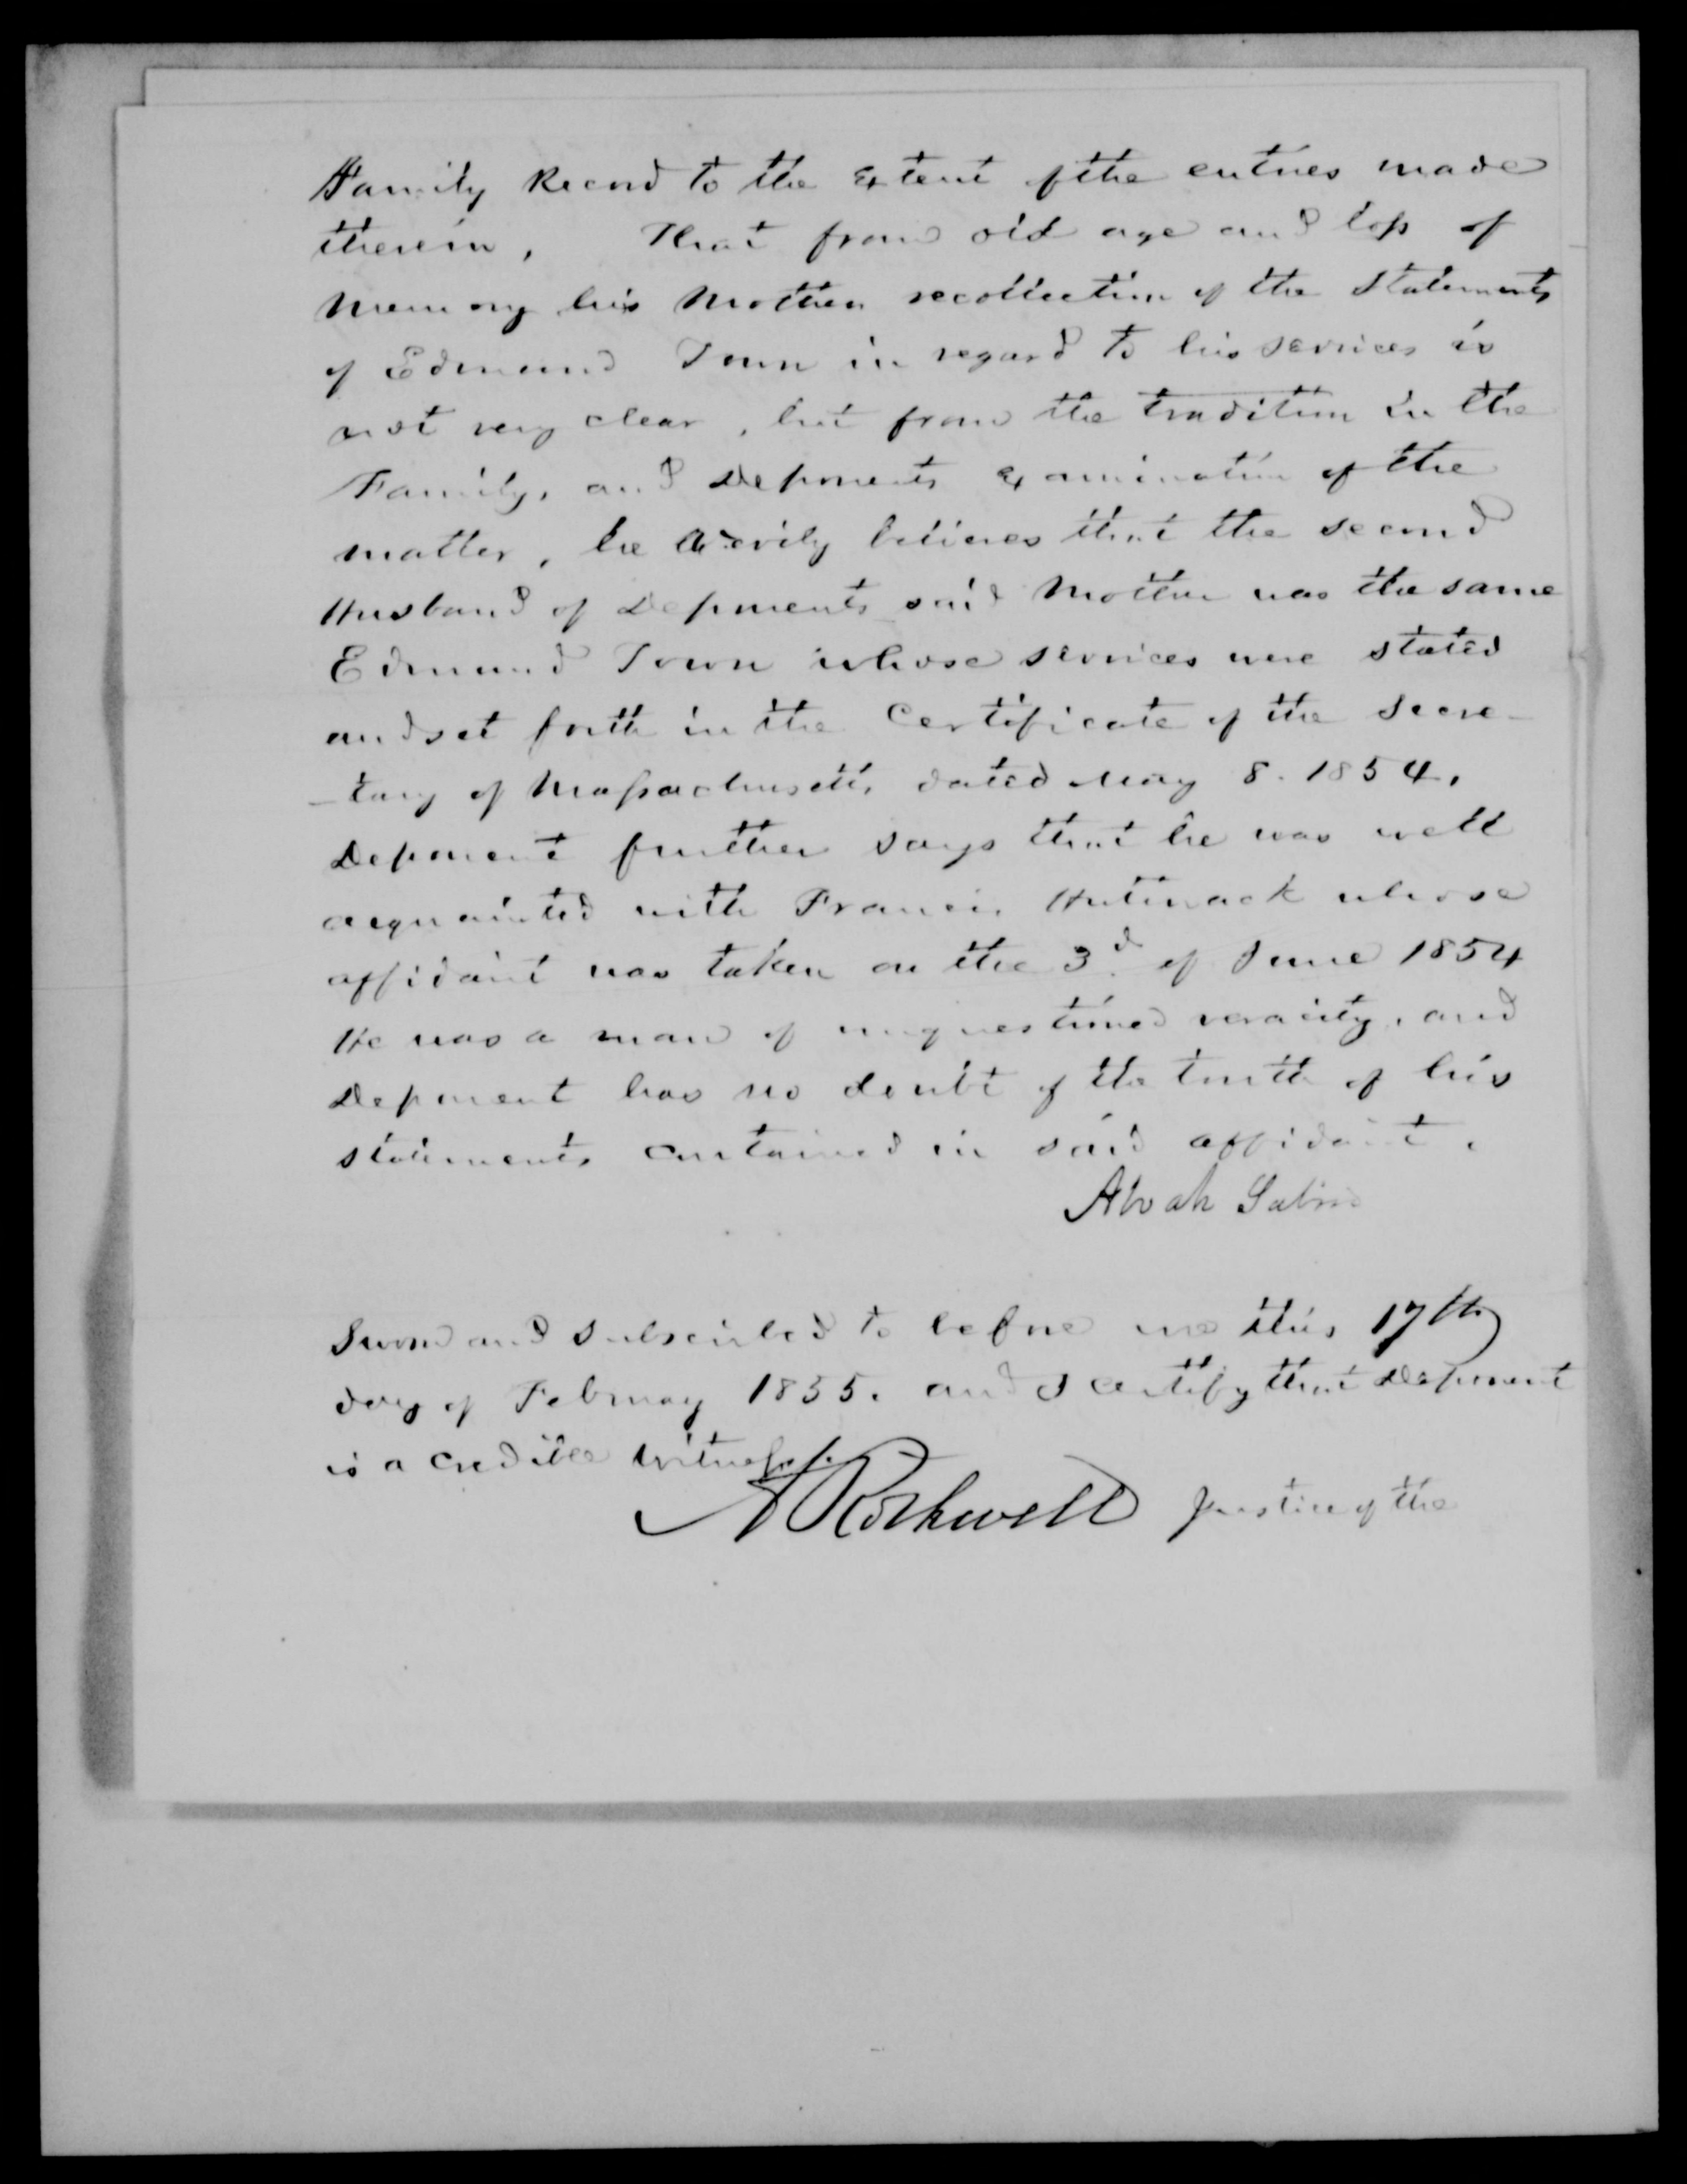family record to the extent of the entries made therein. that from old age and loss of memory his mother's recollection of the statements of Edmund Town in regard to his services is not very clear, but from the tradition in the family and deponents examination of the matter, he verily believes that the second husband of deponents said mother was the same Edmund Town whose services were stated and set forth in the Certificate of the Secretary of Massachusetts dated May 8 1854. He was a man of unquestioned veracity and deponent has no doubt of the truth of his statements contained in said affidavit.
Alvah Sabin

Sworn and subscribed to before me this 17th day of February 1835 and I certify that deponents is a credible witness.
A. Rockwell, Justice of the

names: Francis Hutinack, Edmund Town, Edmund Town, Alvah Sabin, A Rockwell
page: 8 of 64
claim: widow's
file: W. 5831, Edmund Town, Mass.